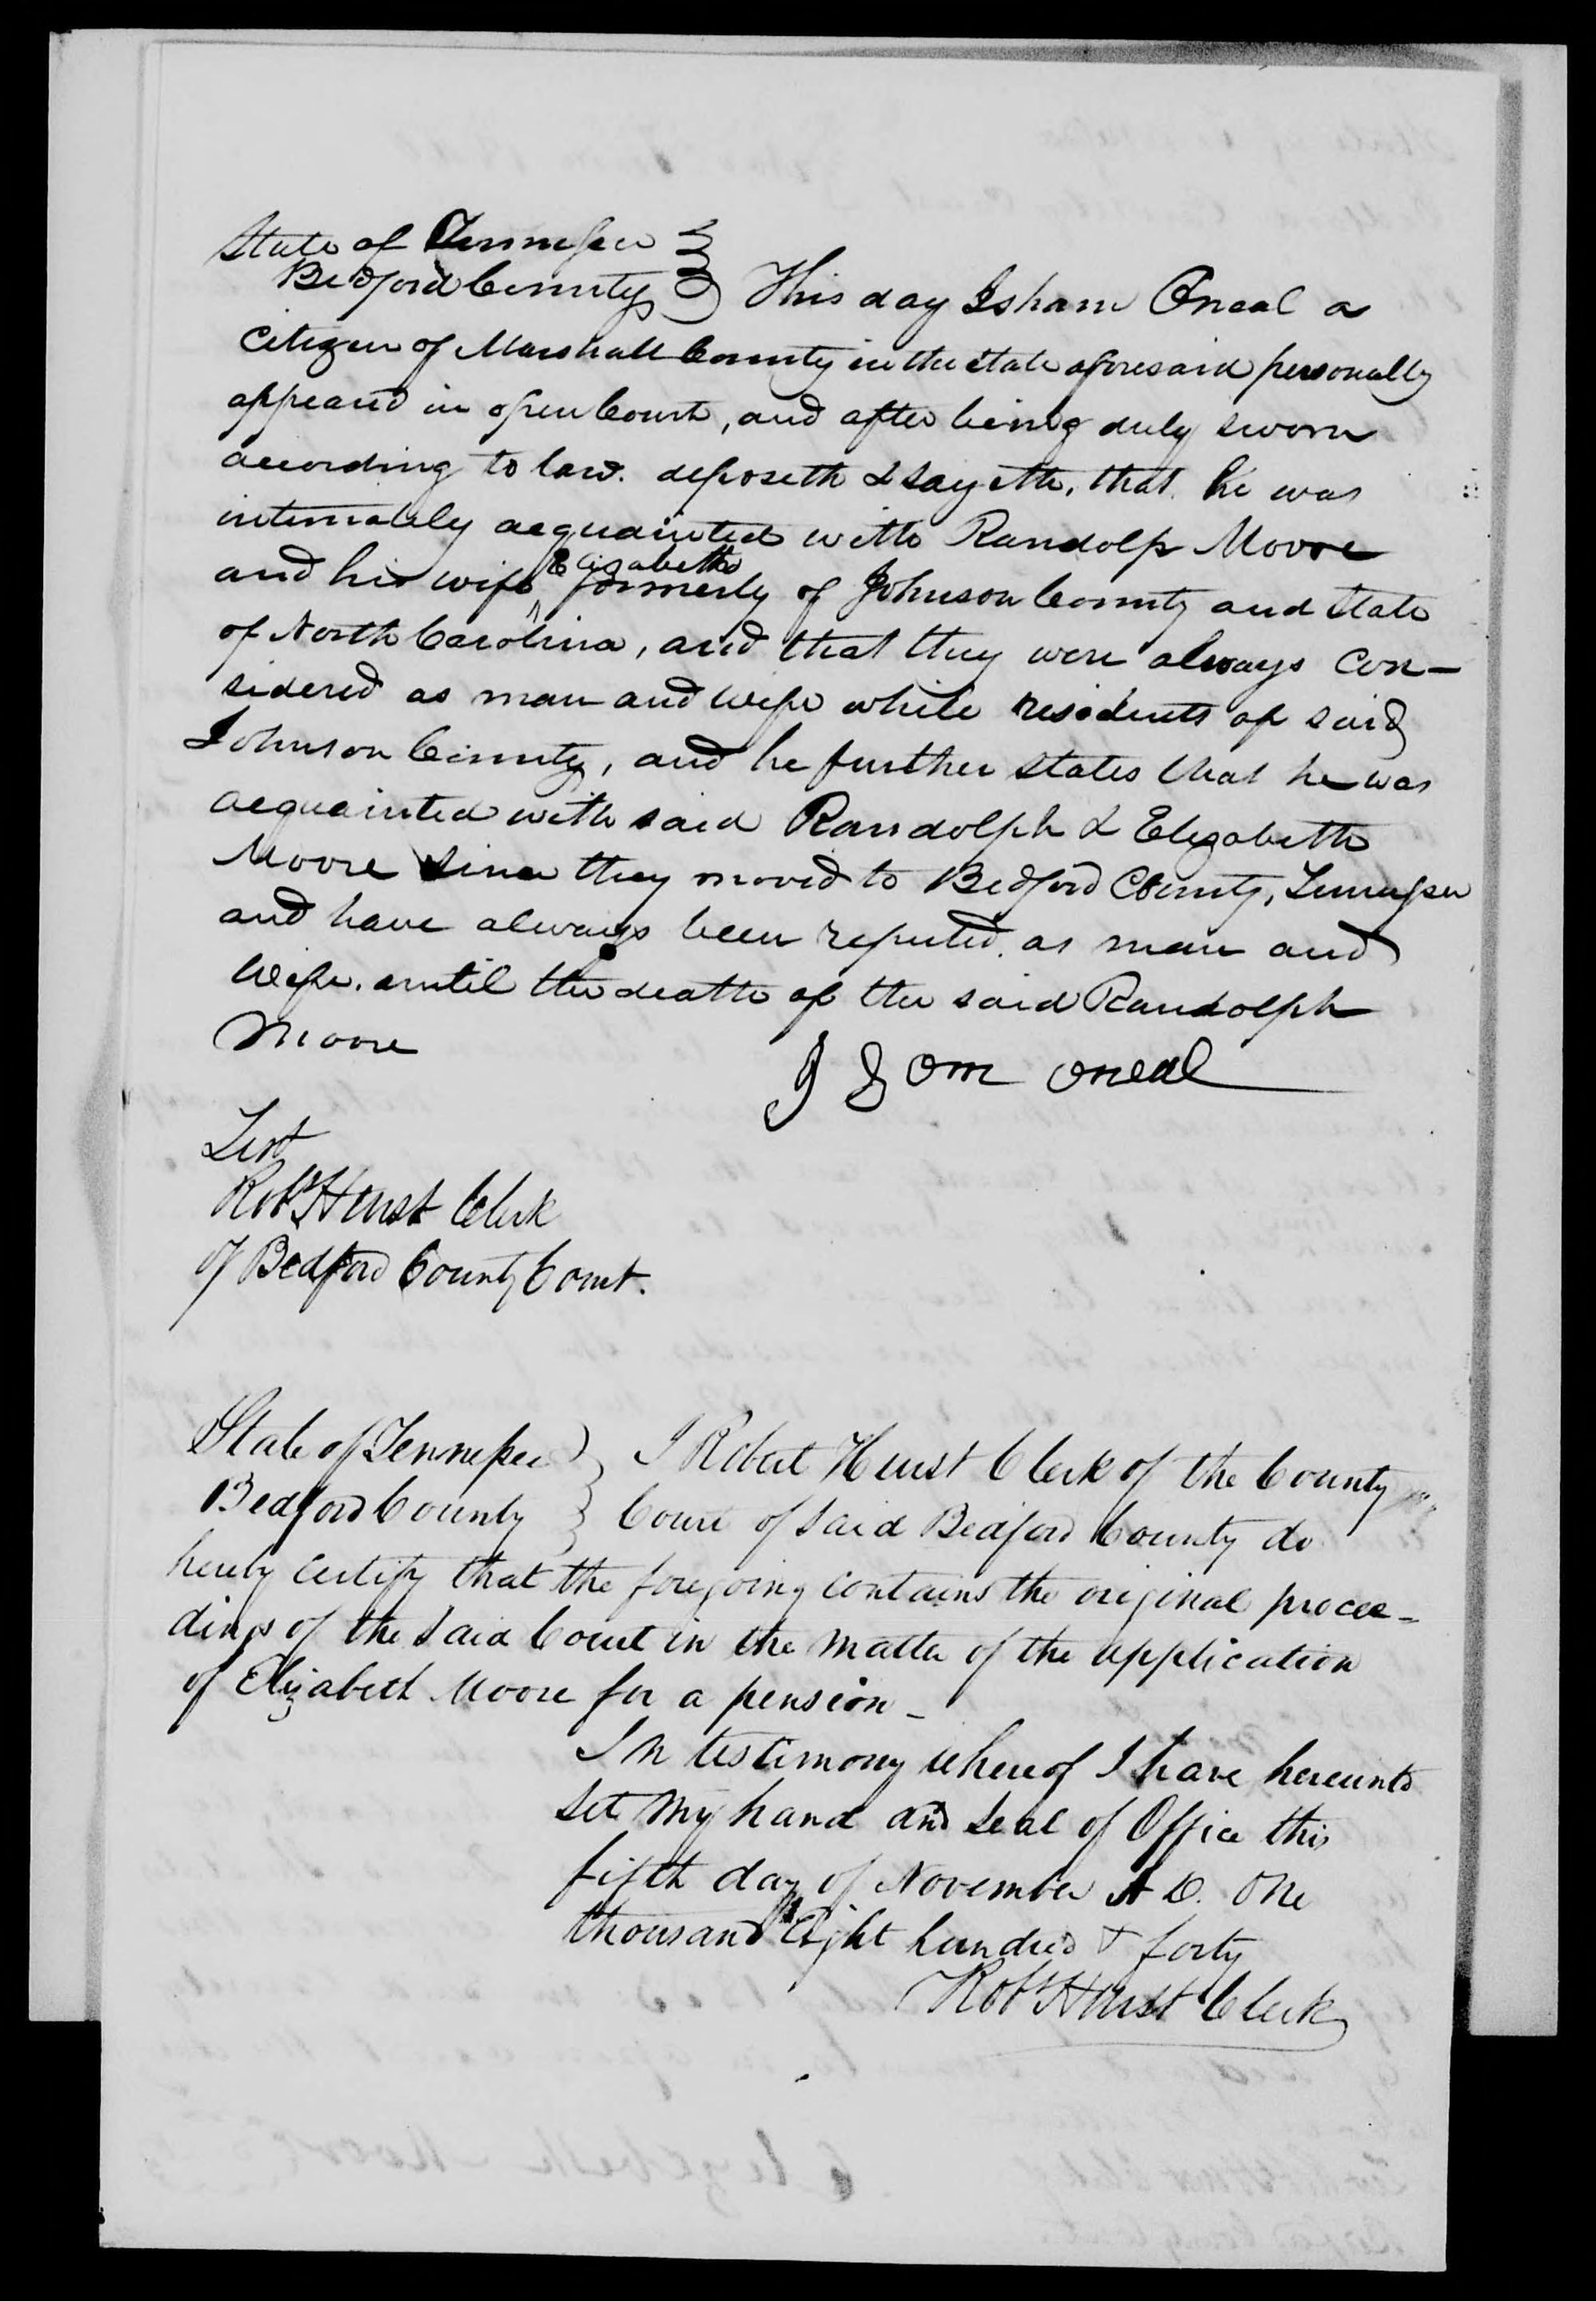State of Tennessee}
Bedford County} This day Isham Oneal a citizen of Marshall County in the state aforesaid personally appeared in open court and after being duly sworn according to law, deposeth & sayeth that he was intimately acquainted with Randolph Moore and his wife Elizabeth formerly of Johnson County and state of North Carolina, and that they were always considered as man and wife while residents of said Johnson County, and he further states that he was acquainted with said Randolph & Elizabeth Moore since they moved to Bedford County, Tennessee and have always been reputed as man and wife until the death of the said Randolph Moore.
[Signature]
Isom Oneal

Test
Rob't. Hurst Clerk
of Bedford County Court.

State of Tennessee} I Robert Hurst Clerk of the 
Bedford County} County Court of said Bedford county do hereby certify that the foregoing contains the original proceedings of the said Court in the matter of the application of Elizabeth Moore for a pension -
In testimony whereof I have hereunto set my hand and seal of office this fifth day of November A. D. one thousand eight hundred & forty
[Signature]
Robt. Hurst Clerk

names: Elizabeth Moore; Isham Oneal; Robt Hurst; Randolph Moore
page: 16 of 33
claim: widow's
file: W. 52, for Randolph Moore, North Carolina